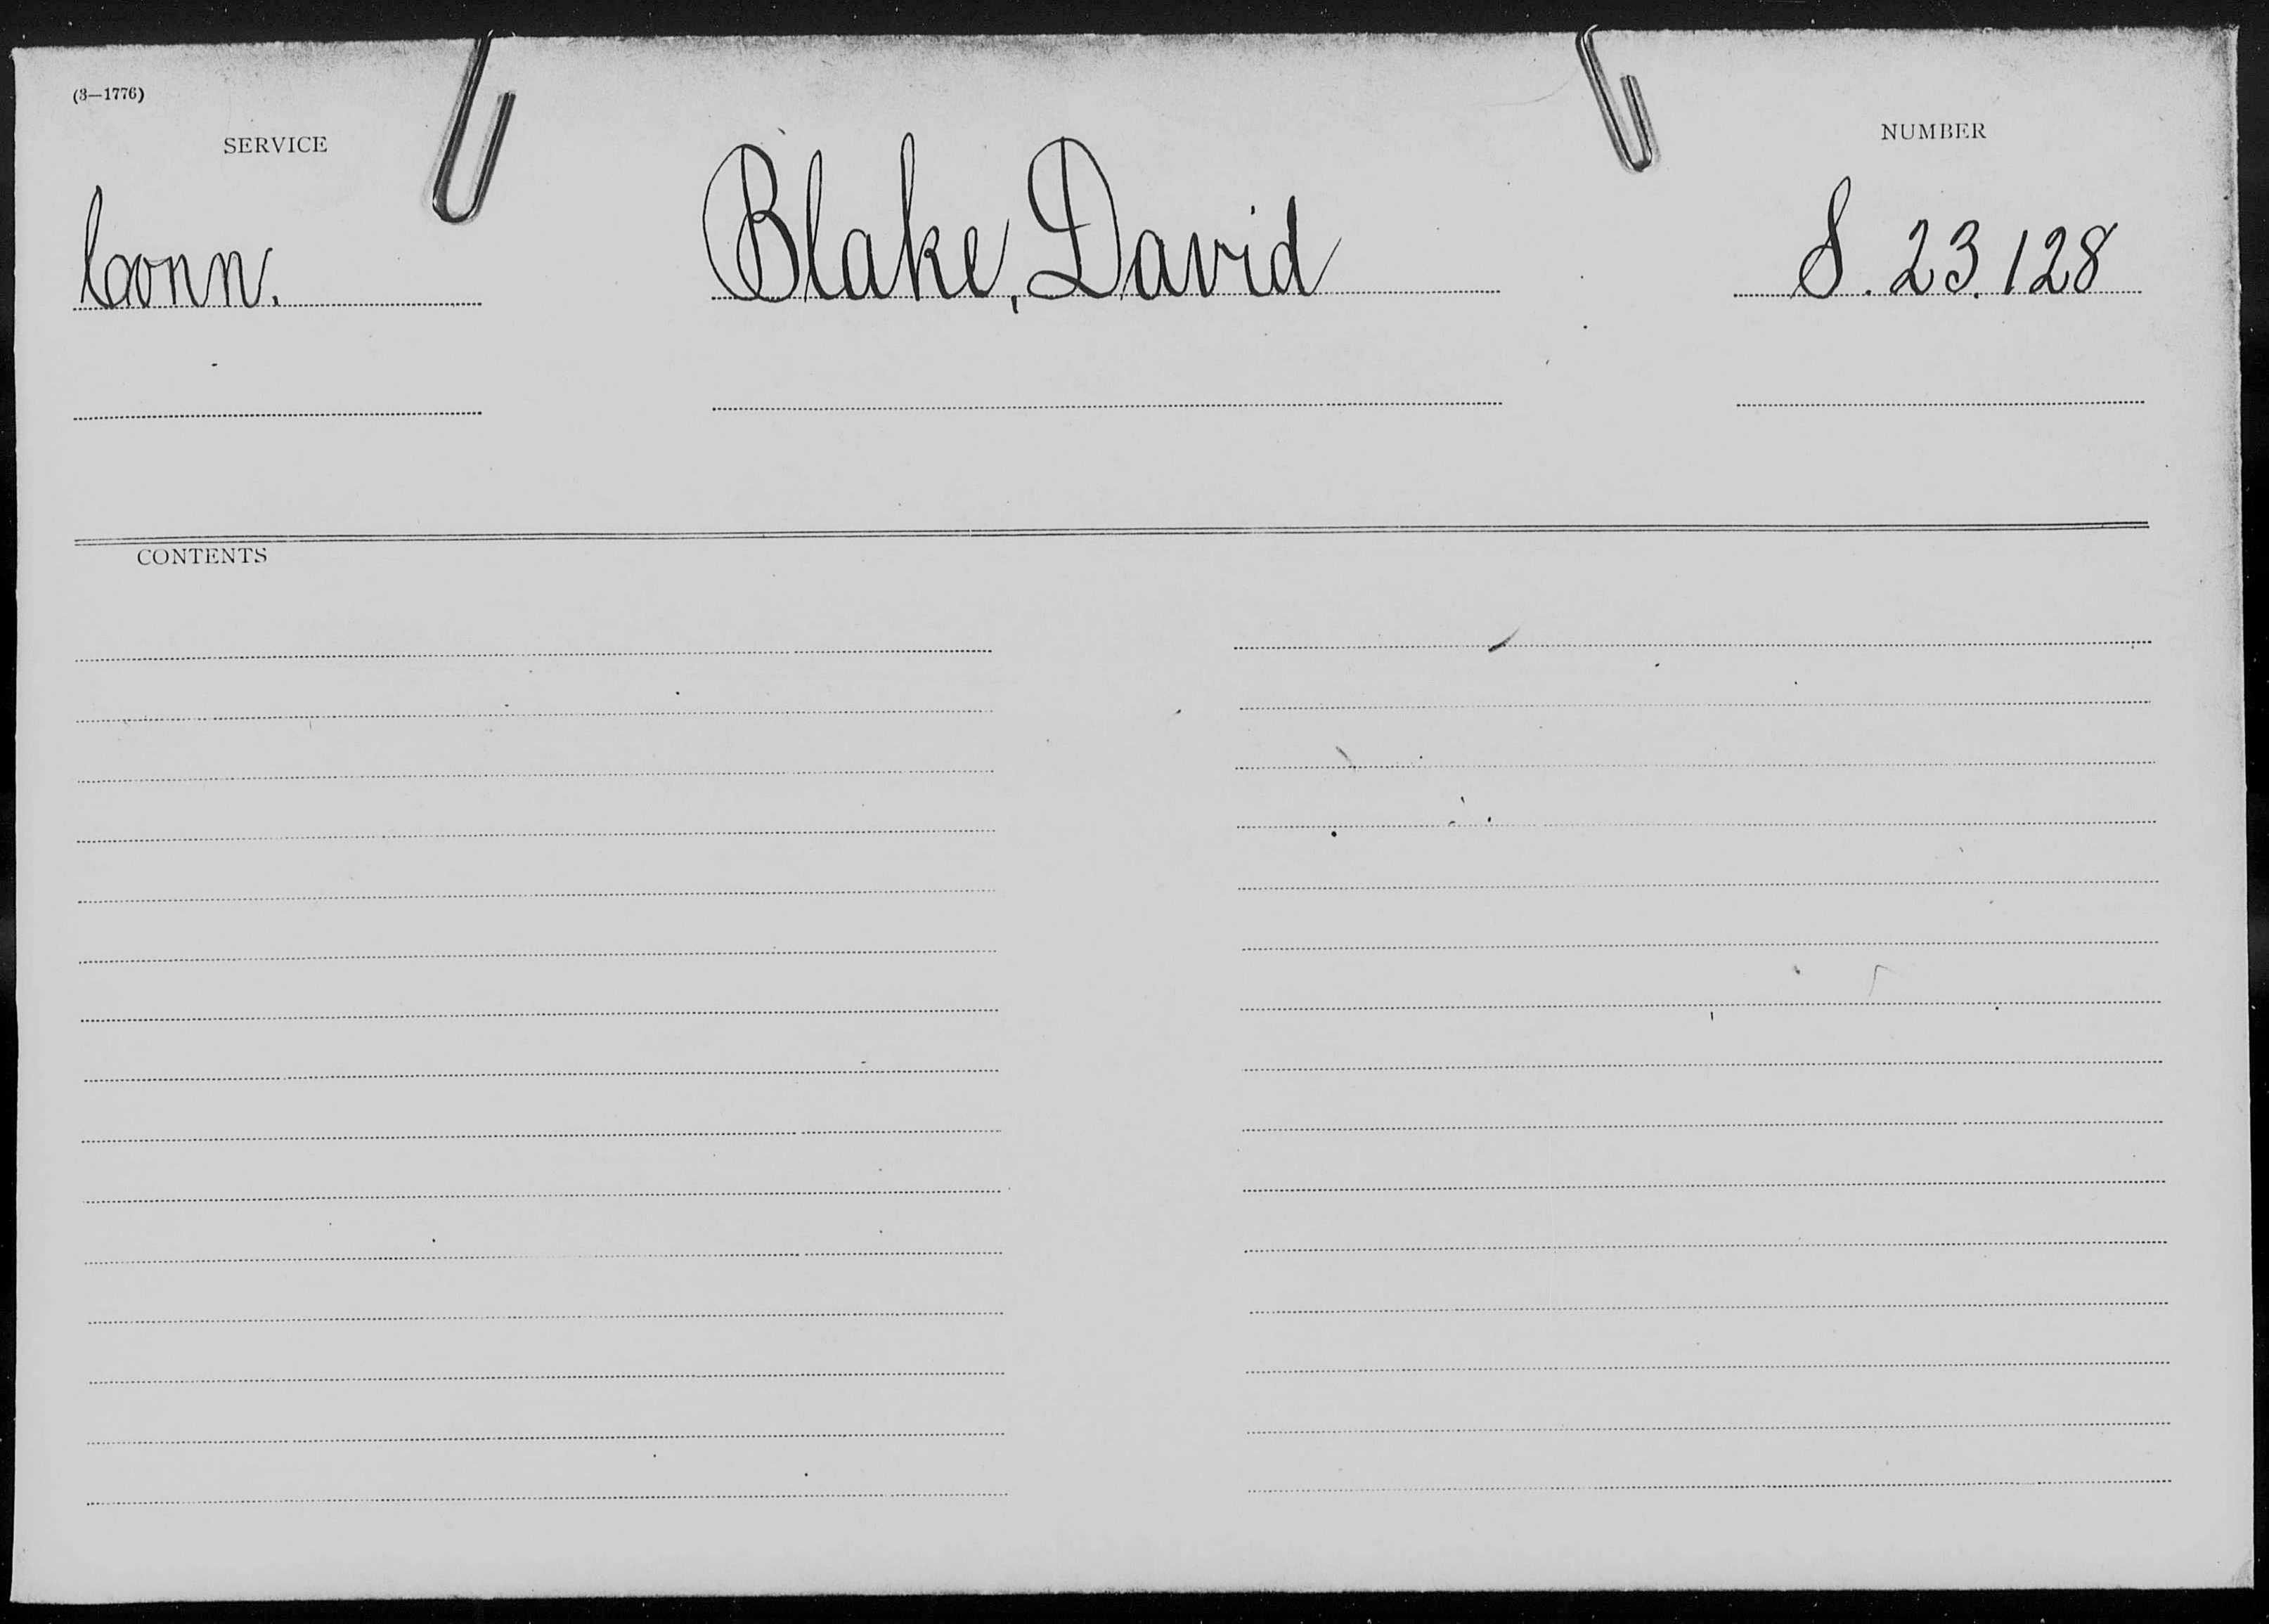(3 - 1776)
SERVICE
Conn
Blake David
NUMBER
S. 23128
CONTENTS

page: 1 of 21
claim: survivor's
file: S. 23,128, David Blake, Conn.